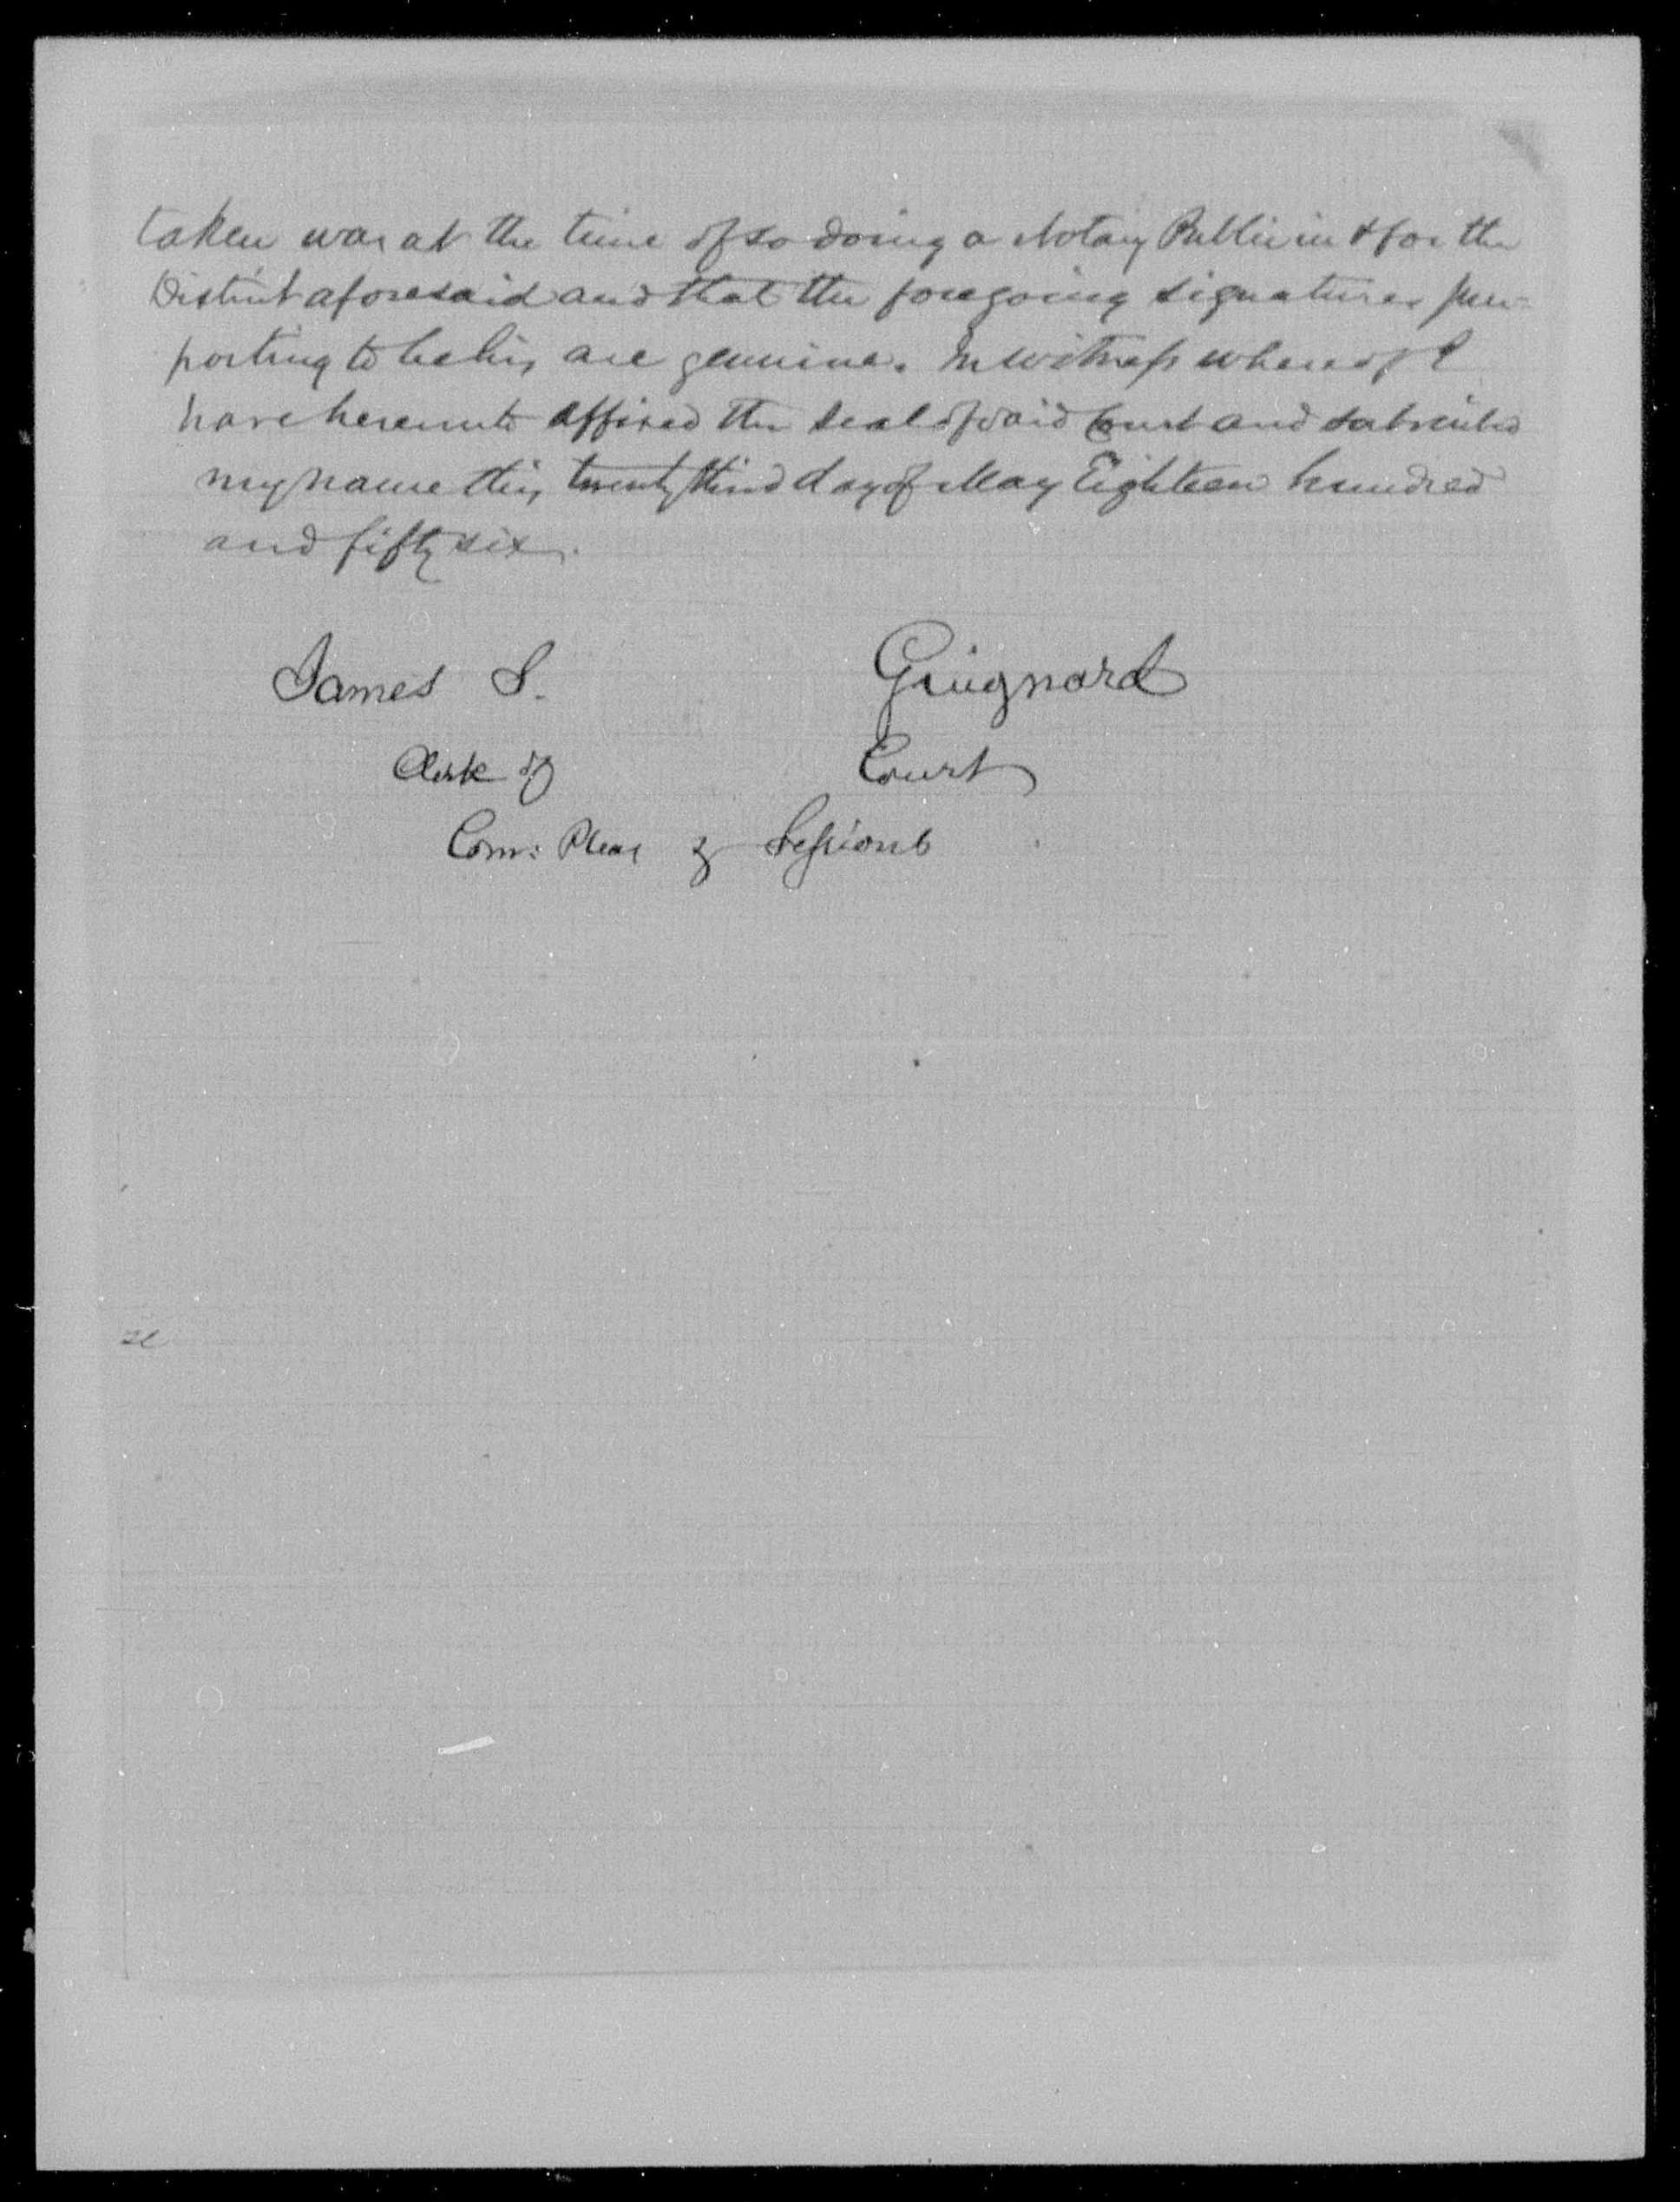taken was the time of so doing a Notary Public in  & for the District aforesaid and that the foregoing signature from posting to be his are genuine. in writing whereof have here into affixed this seal of said Court and (illegible) my name this twenty third day of May Eighteen hundred and fifty six. 

James. S. Grignard
Cleark of Court
(illegible)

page: 13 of 19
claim: rejected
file: R. 10474, for Charles Teulon, South Carolina